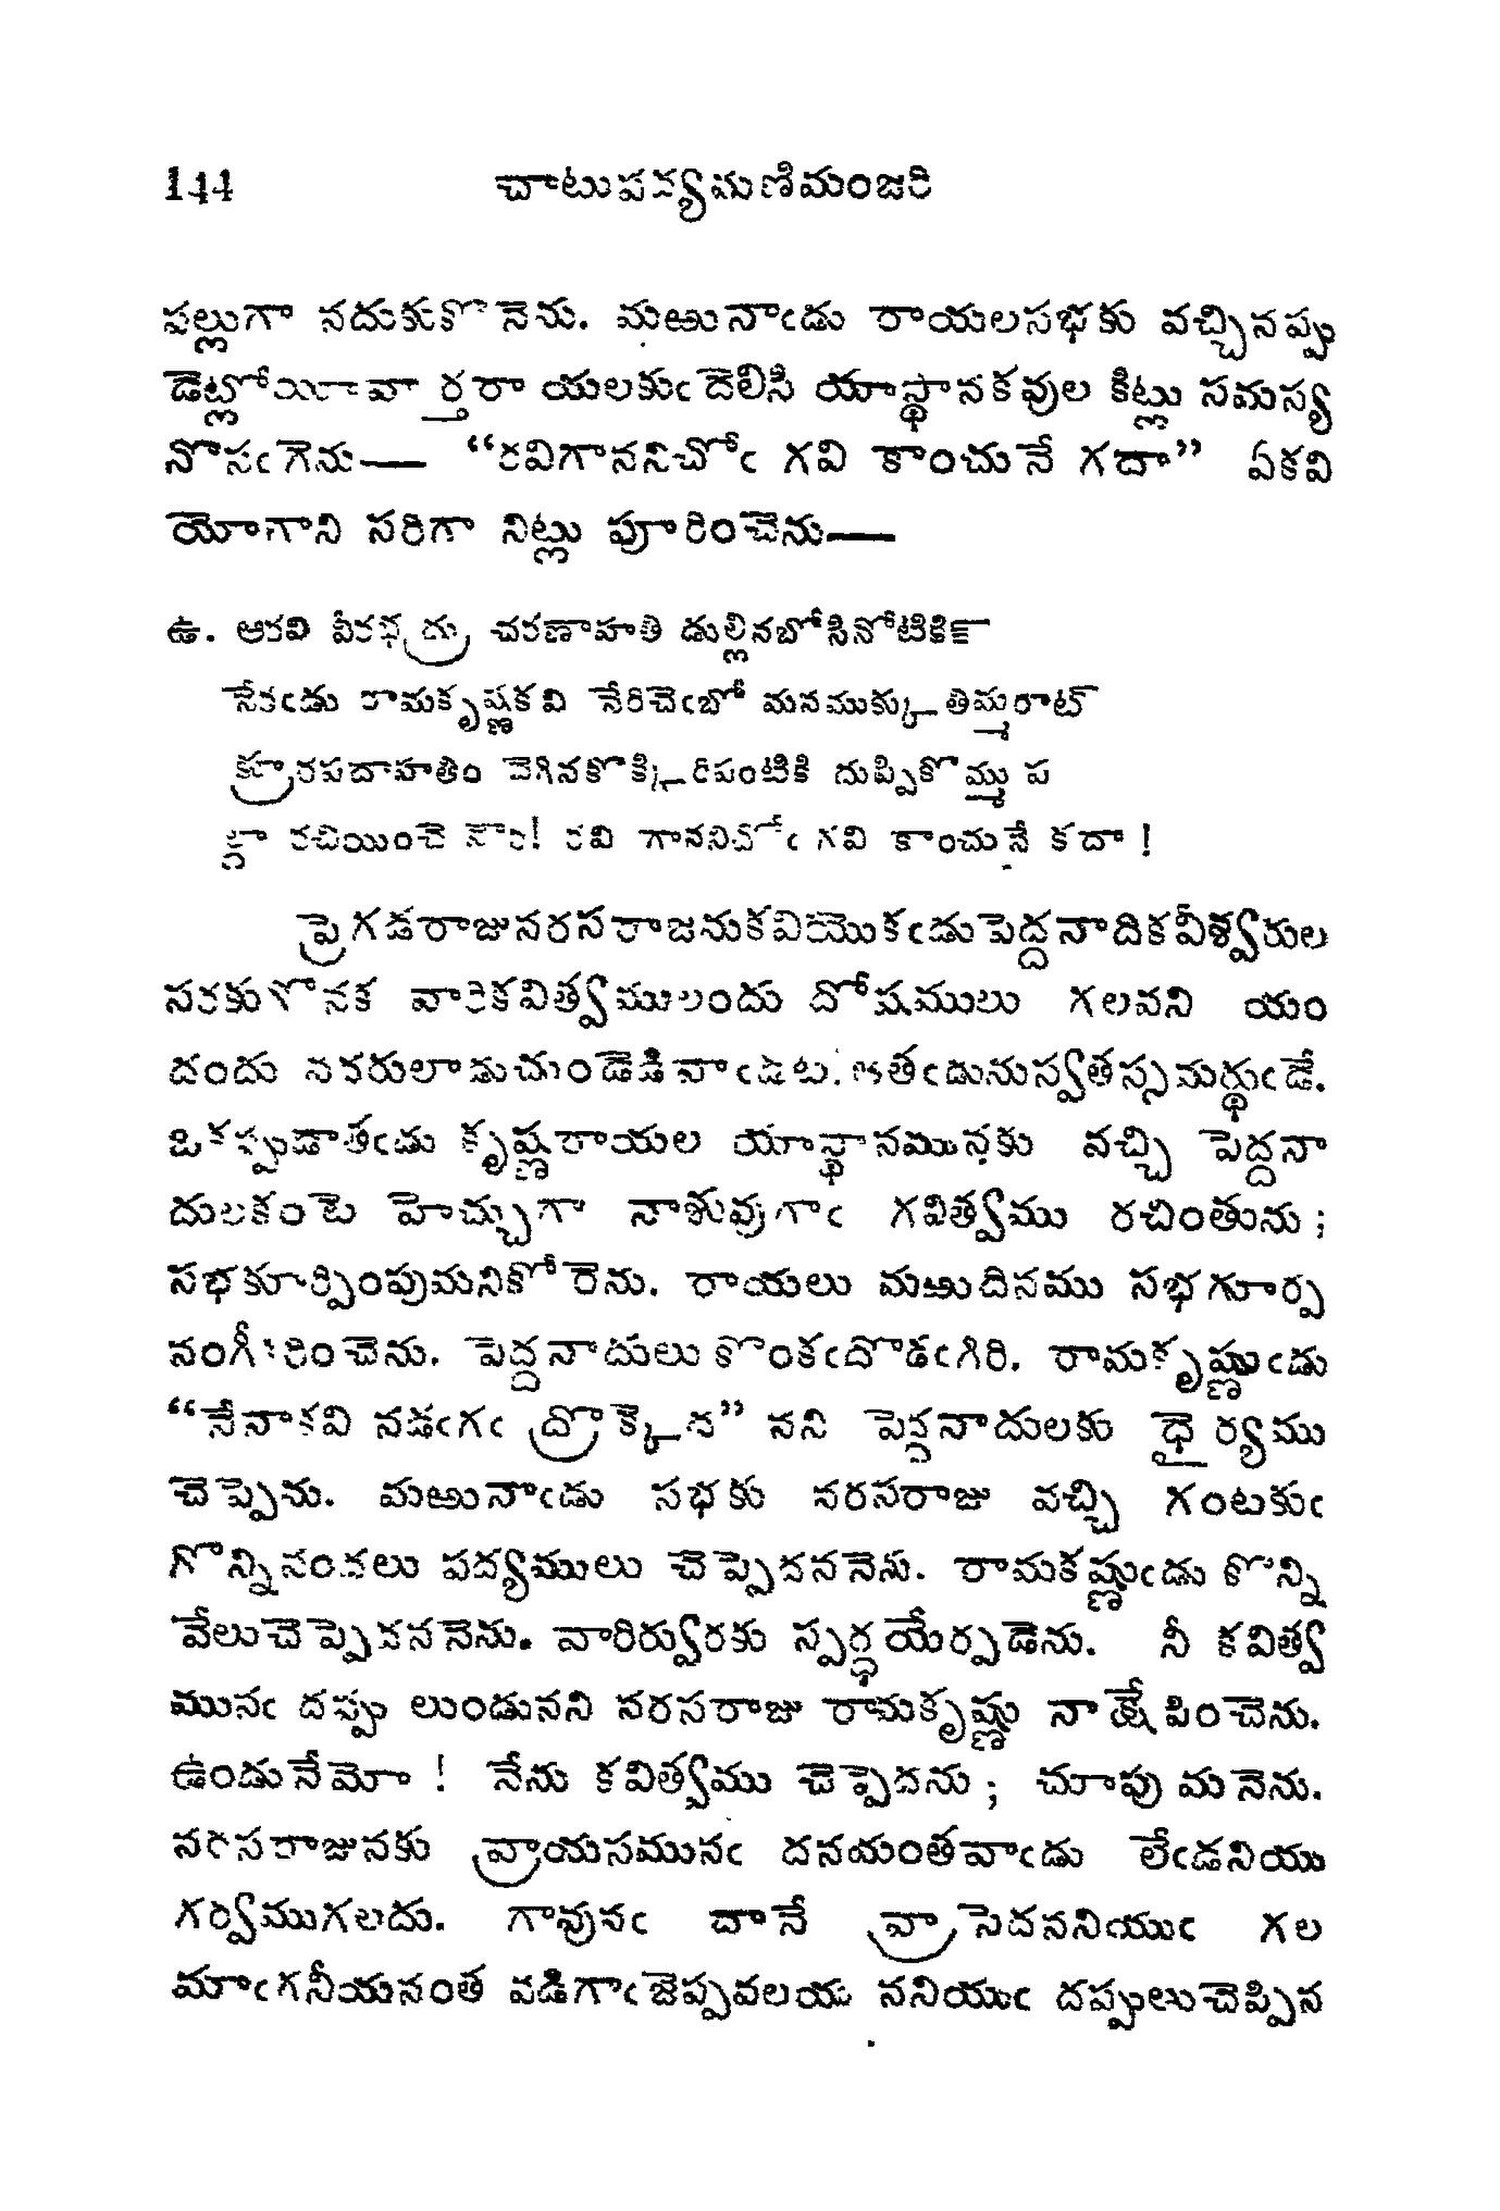పల్లుగా నదుకుకొనెను. మఱునాఁడు రాయలసభకు వచ్చినప్పుడెట్లో యీవార్త రాయలకుఁ దెలిసి యాస్థానకవుల కిట్లు సమస్య నొసఁగెను— “రవి గాననిచోఁ గవి కాంచునే గదా” ఏకవియోగాని సరిగా నిట్లు పూరించెను—
ఉ. ఆరవి వీరభద్రుచరణాహతి డుల్లిన బోసినోటికిన్
 నేరఁడు రామకృష్ణకవి నేరిచెఁబా మనముక్కుతిమ్మరాట్
 క్రూరపదాహతిం దెగిన కొక్కిరిపంటికి దుప్పికొమ్ము ప
 ల్గా రచియించె నౌర! రవి గాననిచోఁ గవి కాంచునే గదా!
ప్రెగడరాజు నరసరా జనుకవియొకఁడు పెద్దనాదికవీశ్వరుల సరకుగొనక వారికవిత్వములందు దోషములు గలవని యందందు వదరులాడుచుండెడివాఁడఁట! ఆతఁడును స్వతస్సమర్థుఁడే. ఒకప్పు డాతఁడు కృష్ణరాయల యాస్థానమునకు వచ్చి పెద్దనాదులకంటె హెచ్చుగా నాశువుగాఁ గవిత్వము రచింతును; సభ కూర్పింపుమని కోరెను. రాయలు మఱుదినము సభగూర్ప నంగీకరించెను. పెద్దనాదులు కొంకఁదొడఁగిరి. రామకృష్ణుఁడు “నే నాకవి నడఁగఁద్రొక్కెద”నని పెద్దనాదులకు ధైర్యము చెప్పెను. మఱునాఁడు సభకు నరసరాజు వచ్చి గంటకుఁ గొన్నివందలు పద్యములు చెప్పెదననెను. వారిర్వురకు స్పర్థ యేర్పడెను. నీ కవిత్వమునఁ దప్పు లుండునని నరసరాజు రామకృష్ణు నాక్షేపించెను. ఉండునేమో! నేను కవిత్వము చెప్పెదను; చూపుమనెను. నరసరాజునకు వ్రాయడమునఁ దనయంతవాఁడు లేఁడనియు గర్వము గలదు. గావునఁ దానె వ్రాసెదననియుఁ గల మాఁగనీయనంత వడిగాఁ జెప్పవలయుననియుఁ దప్పులు చెప్పిన